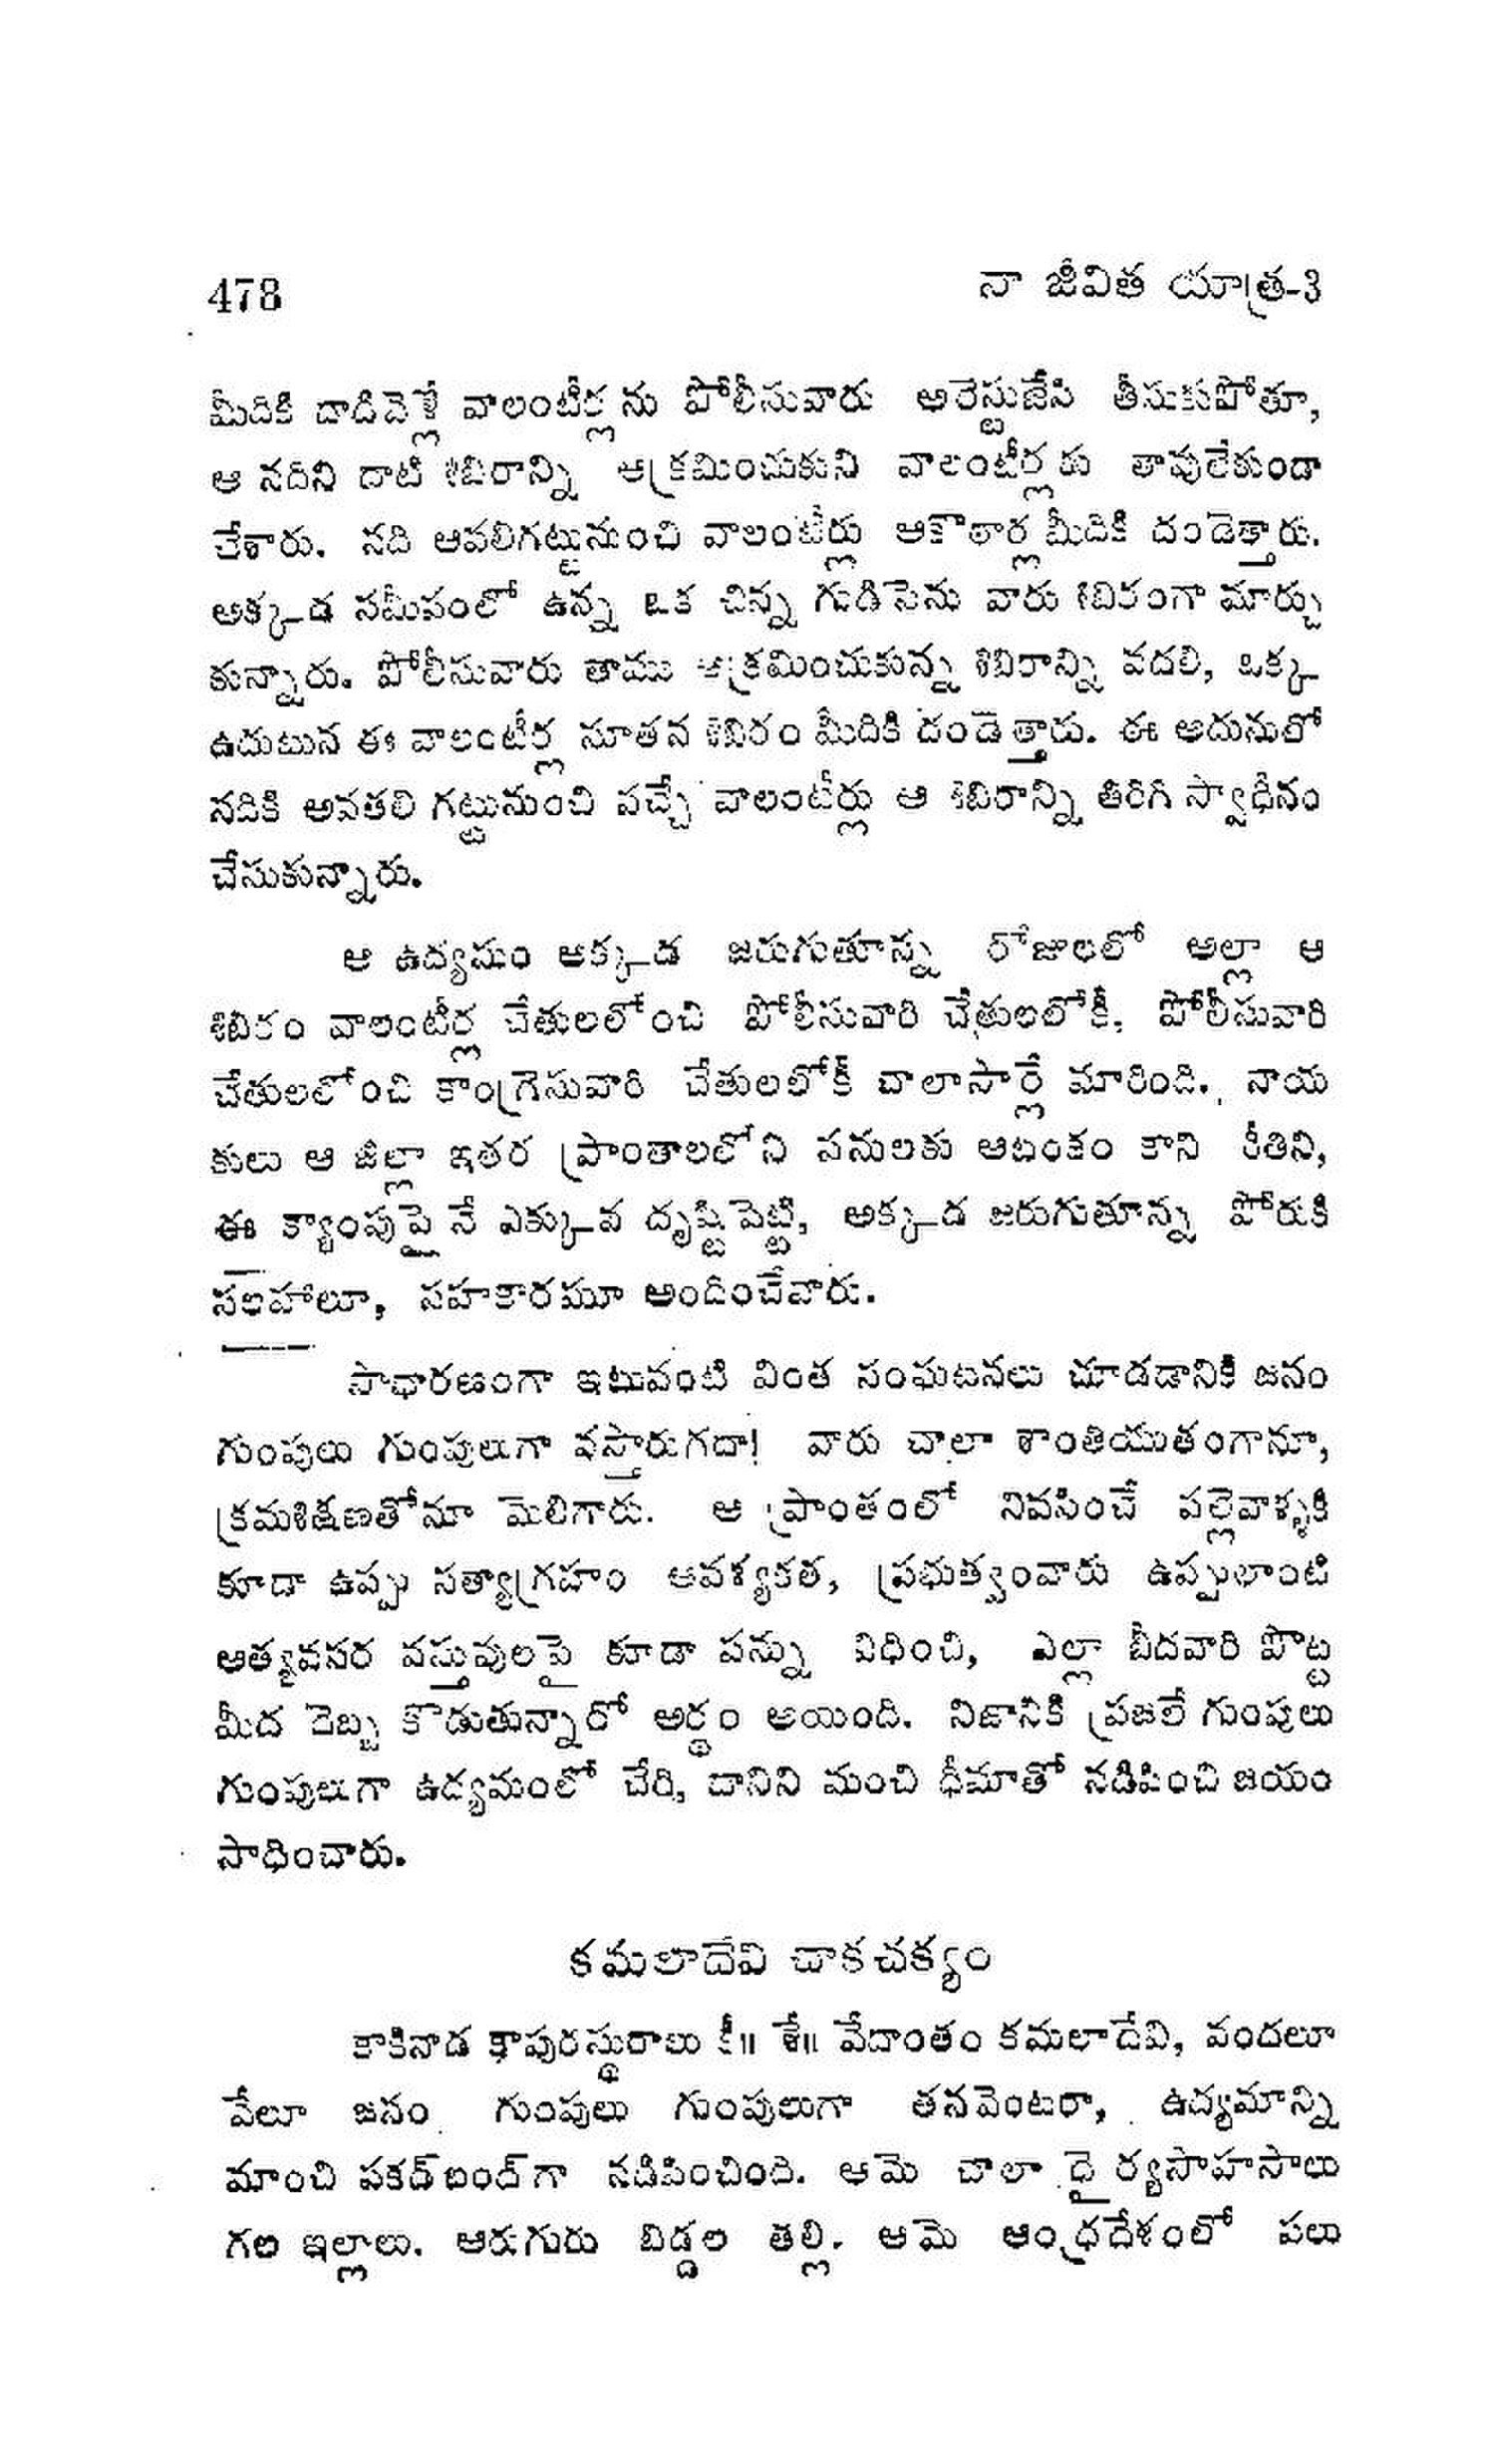మీదికి దాడివెళ్లే వాలంటీర్లను పోలీసువారు అరెస్టుజేసి తీసుకుపోతూ, ఆ నదిని దాటి శిబిరాన్ని ఆక్రమించుకుని వాలంటీర్లకు తావులేకుండా చేశారు. నది ఆవలిగట్టునుంచి వాలంటీర్లు ఆకొఠార్లమీదికి దండెత్తారు. అక్కడ సమీపంలో ఉన్న ఒక చిన్న గుడిసెను వారు శిబిరంగా మార్చుకున్నారు. పోలీసువారు తాము ఆక్రమించుకున్న శిబిరాన్ని వదలి, ఒక్క ఉదుటున ఈ వాలంటీర్ల నూతన శిబిరం మీదికి దండెత్తారు. ఈ అదునులో నదికి అవతలి గట్టునుంచి వచ్చే వాలంటీర్లు ఆ శిబిరాన్ని తిరిగి స్వాధీనం చేసుకున్నారు.

ఆ ఉద్యమం అక్కడ జరుగుతూన్న రోజులలో అల్లా ఆ శిబిరం వాలంటీర్ల చేతులలోంచి పోలీసువారి చేతులలోకి, పోలీసువారి చేతులలోంచి కాంగ్రెసువారి చేతులలోకి చాలాసార్లే మారింది. నాయకులు ఆ జిల్లా ఇతర ప్రాంతాలలోని పనులకు ఆటంకం కాని రీతిని, ఈ క్యాంపుపైనే ఎక్కువ దృష్టి పెట్టి, అక్కడ జరుగుతూన్నా పోరుకి సలహాలూ, సహకారమూ అందించేవారు.

సాధారణంగా ఇటువంటి వింత సంఘటనలు చూడడానికి జనం గుంపులు గుంపులుగా వస్తారుగదా! వారు చాలా శాంతియుతంగానూ, క్రమశిక్షణతోనూ మెలిగారు. ఆ ప్రాంతంలో నివసించే పల్లెవాళ్ళకి కూడా ఉప్పు సత్యాగ్రహం ఆవశ్యకత, ప్రభుత్వంవారు ఉప్పులాంటి అత్యవసర వస్తువులపై కూడా పన్ను విధించి, ఎల్లా బీదవారి పొట్టమీద దెబ్బ కొడుతున్నారో అర్థం అయింది. నిజానికి ప్రజలే గుంపులు గుంపులుగా ఉద్యమంలో చేరి, దానిని మంచి ధీమాతో నడిపించి జయం సాధించారు.

కాకినాడ కాపురస్థురాలు కీ॥ శే॥ వేదాంతం కమలాదేవి, వందలూ వేలూ జనం గుంపులు గుంపులుగా తనవెంటరా, ఉద్యమాన్ని మాంచి పకడ్‌బంద్‌గా నడిపించింది. ఆమె చాలా దైర్యసాహసాలు గల ఇల్లాలు. ఆరుగురు బిడ్డల తల్లి. ఆమె ఆంధ్రదేశంలో పలు